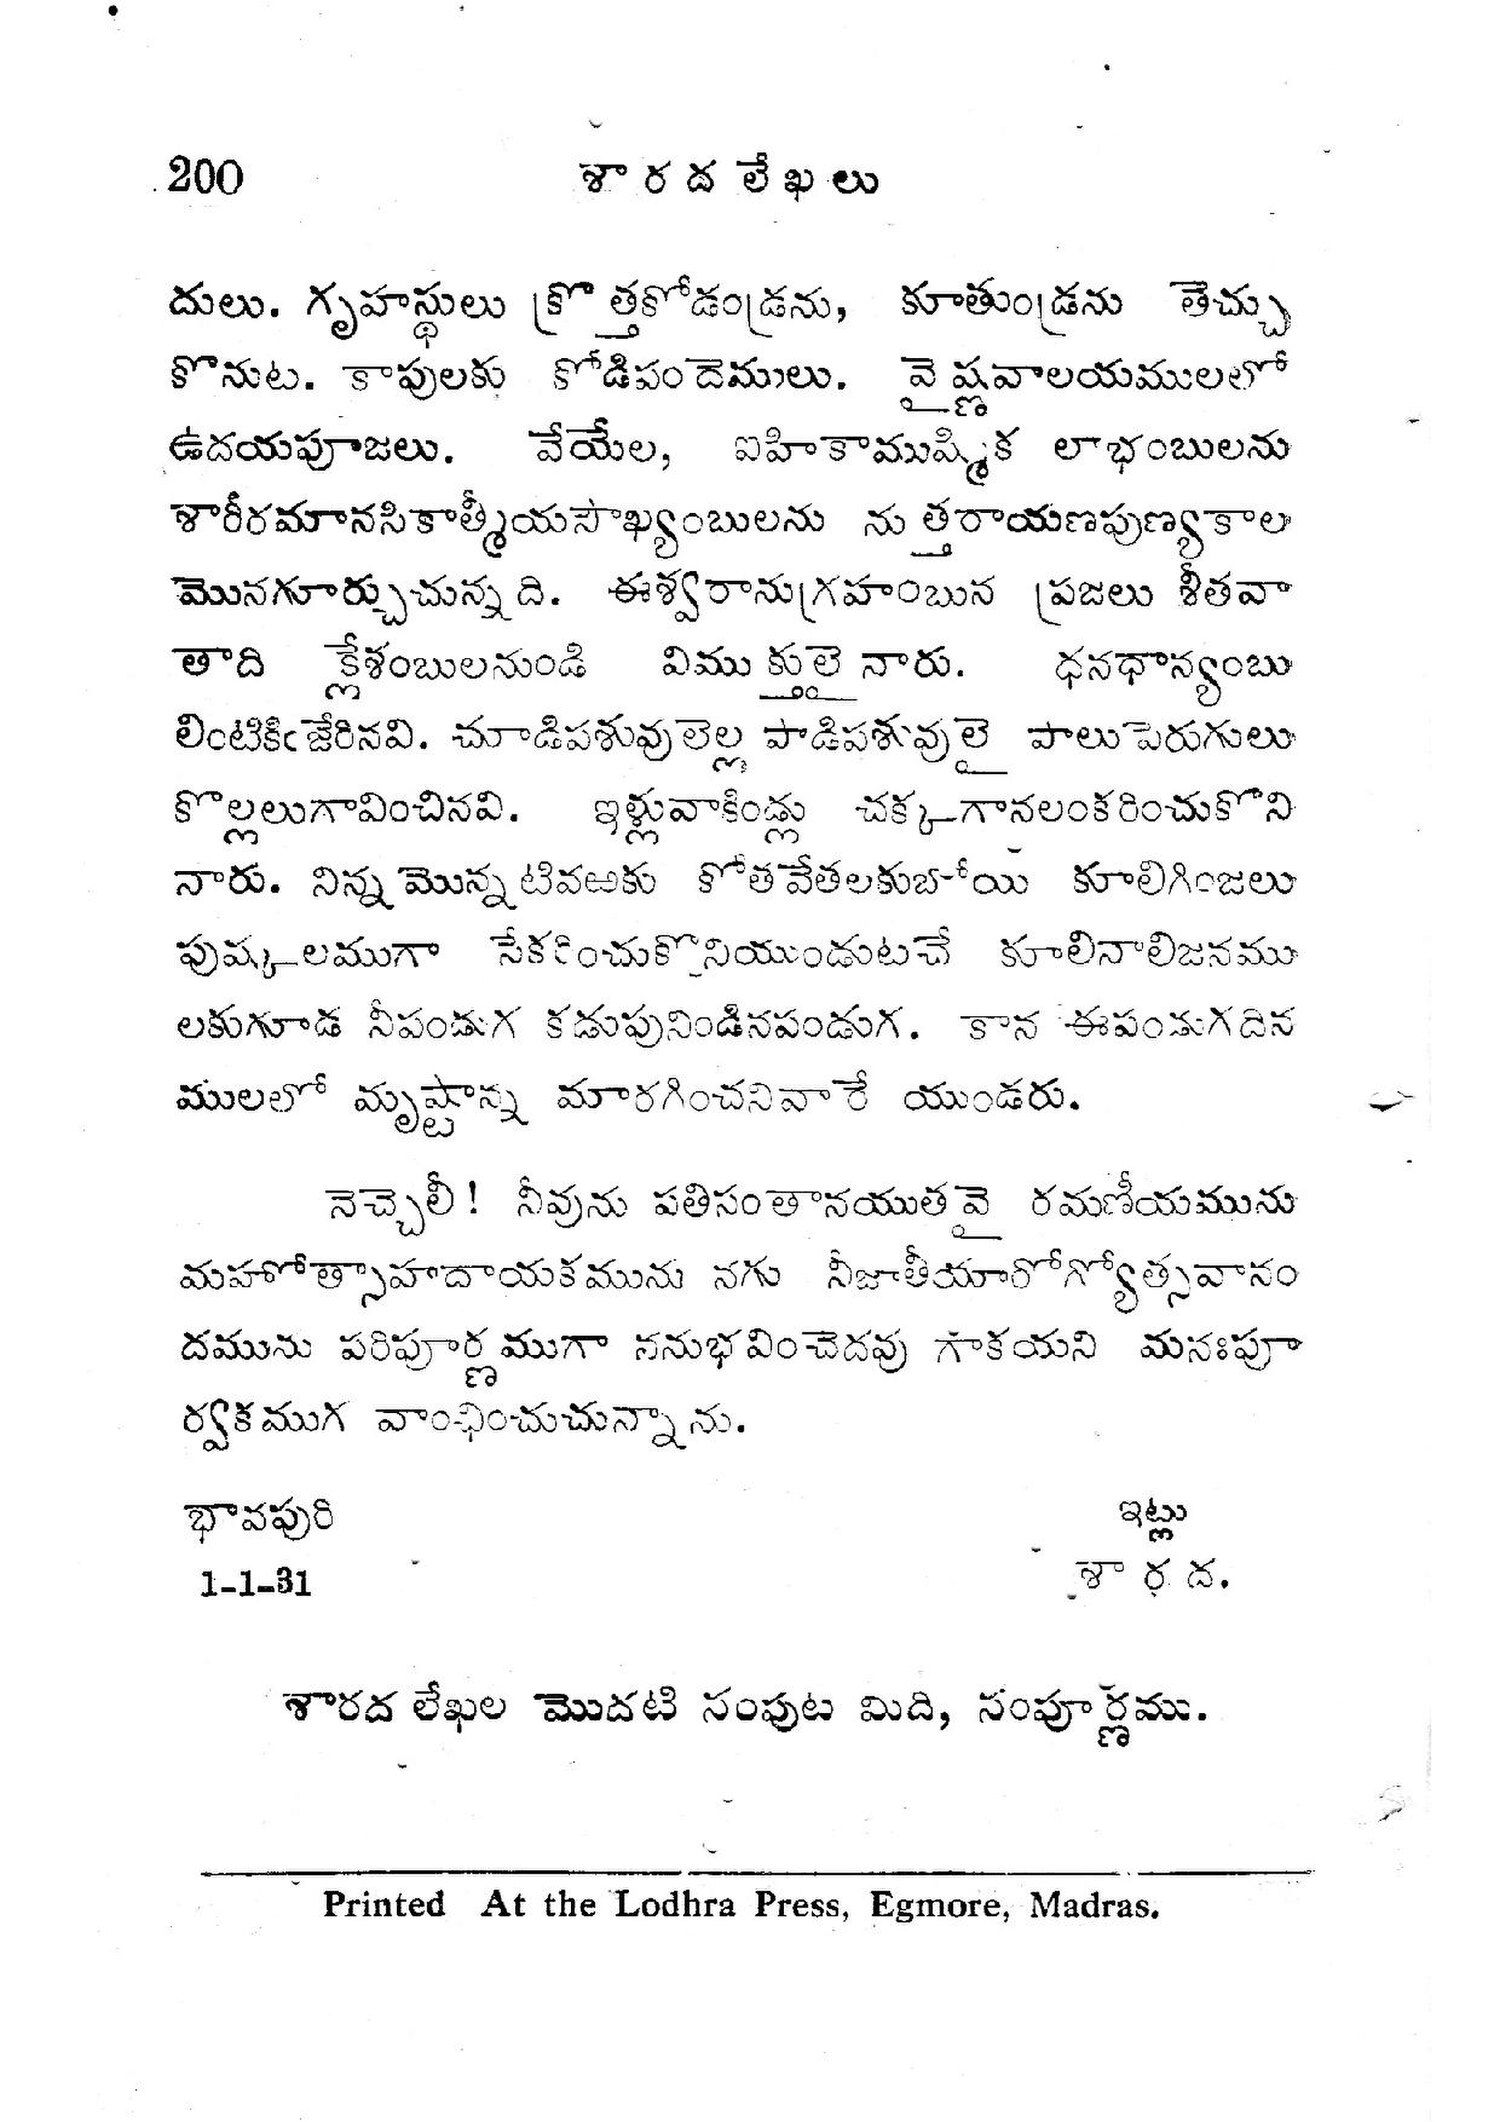దులు. గృహస్థులు క్రొత్తకోడండ్రను, కూతుండ్రను తెచ్చుకొనుట. కాపులకు కోడిపందెములు. వైష్ణవాలయములలో ఉదయపూజలు. వేయేల, ఐహికాముష్మిక లాభంబులను శారీరమానసికాత్మీయ సౌఖ్యంబులను నుత్తరాయణపుణ్యకాల మొనగూర్చుచున్నది. ఈశ్వరానుగ్రహంబున ప్రజలు శీతవాతాది క్లేశంబులనుండి విముక్తులైనారు. ధనధాన్యంబు లింటికిఁజేరినవి. చూడిపశువులెల్ల పాడిపశువులై పాలుపెరుగులు కొల్లలుగావించినవి. ఇళ్లువాకిండ్లు చక్కగానలంకరించుకొనినారు. నిన్న మొన్నటివఱకు కోతవేతలకుబోయి కూలిగింజలు పుష్కలముగా సేకరించుకొనియుండుటచే కూలినాలిజనములకుగూడ నీపండుగ కడుపునిండినపండుగ. కాన ఈపండుగదినములలో మృష్టాన్న మారగించనివారే యుండరు.

నెచ్చెలీ! నీవును పతిసంతానయుతవై రమణీయమును మహోత్సాహదాయకమును నగు నీజాతీయారోగ్యోత్సవానందమును పరిపూర్ణముగా ననుభవించెదవు గాకయని మనఃపూర్వకముగ వాంఛించుచున్నాను.